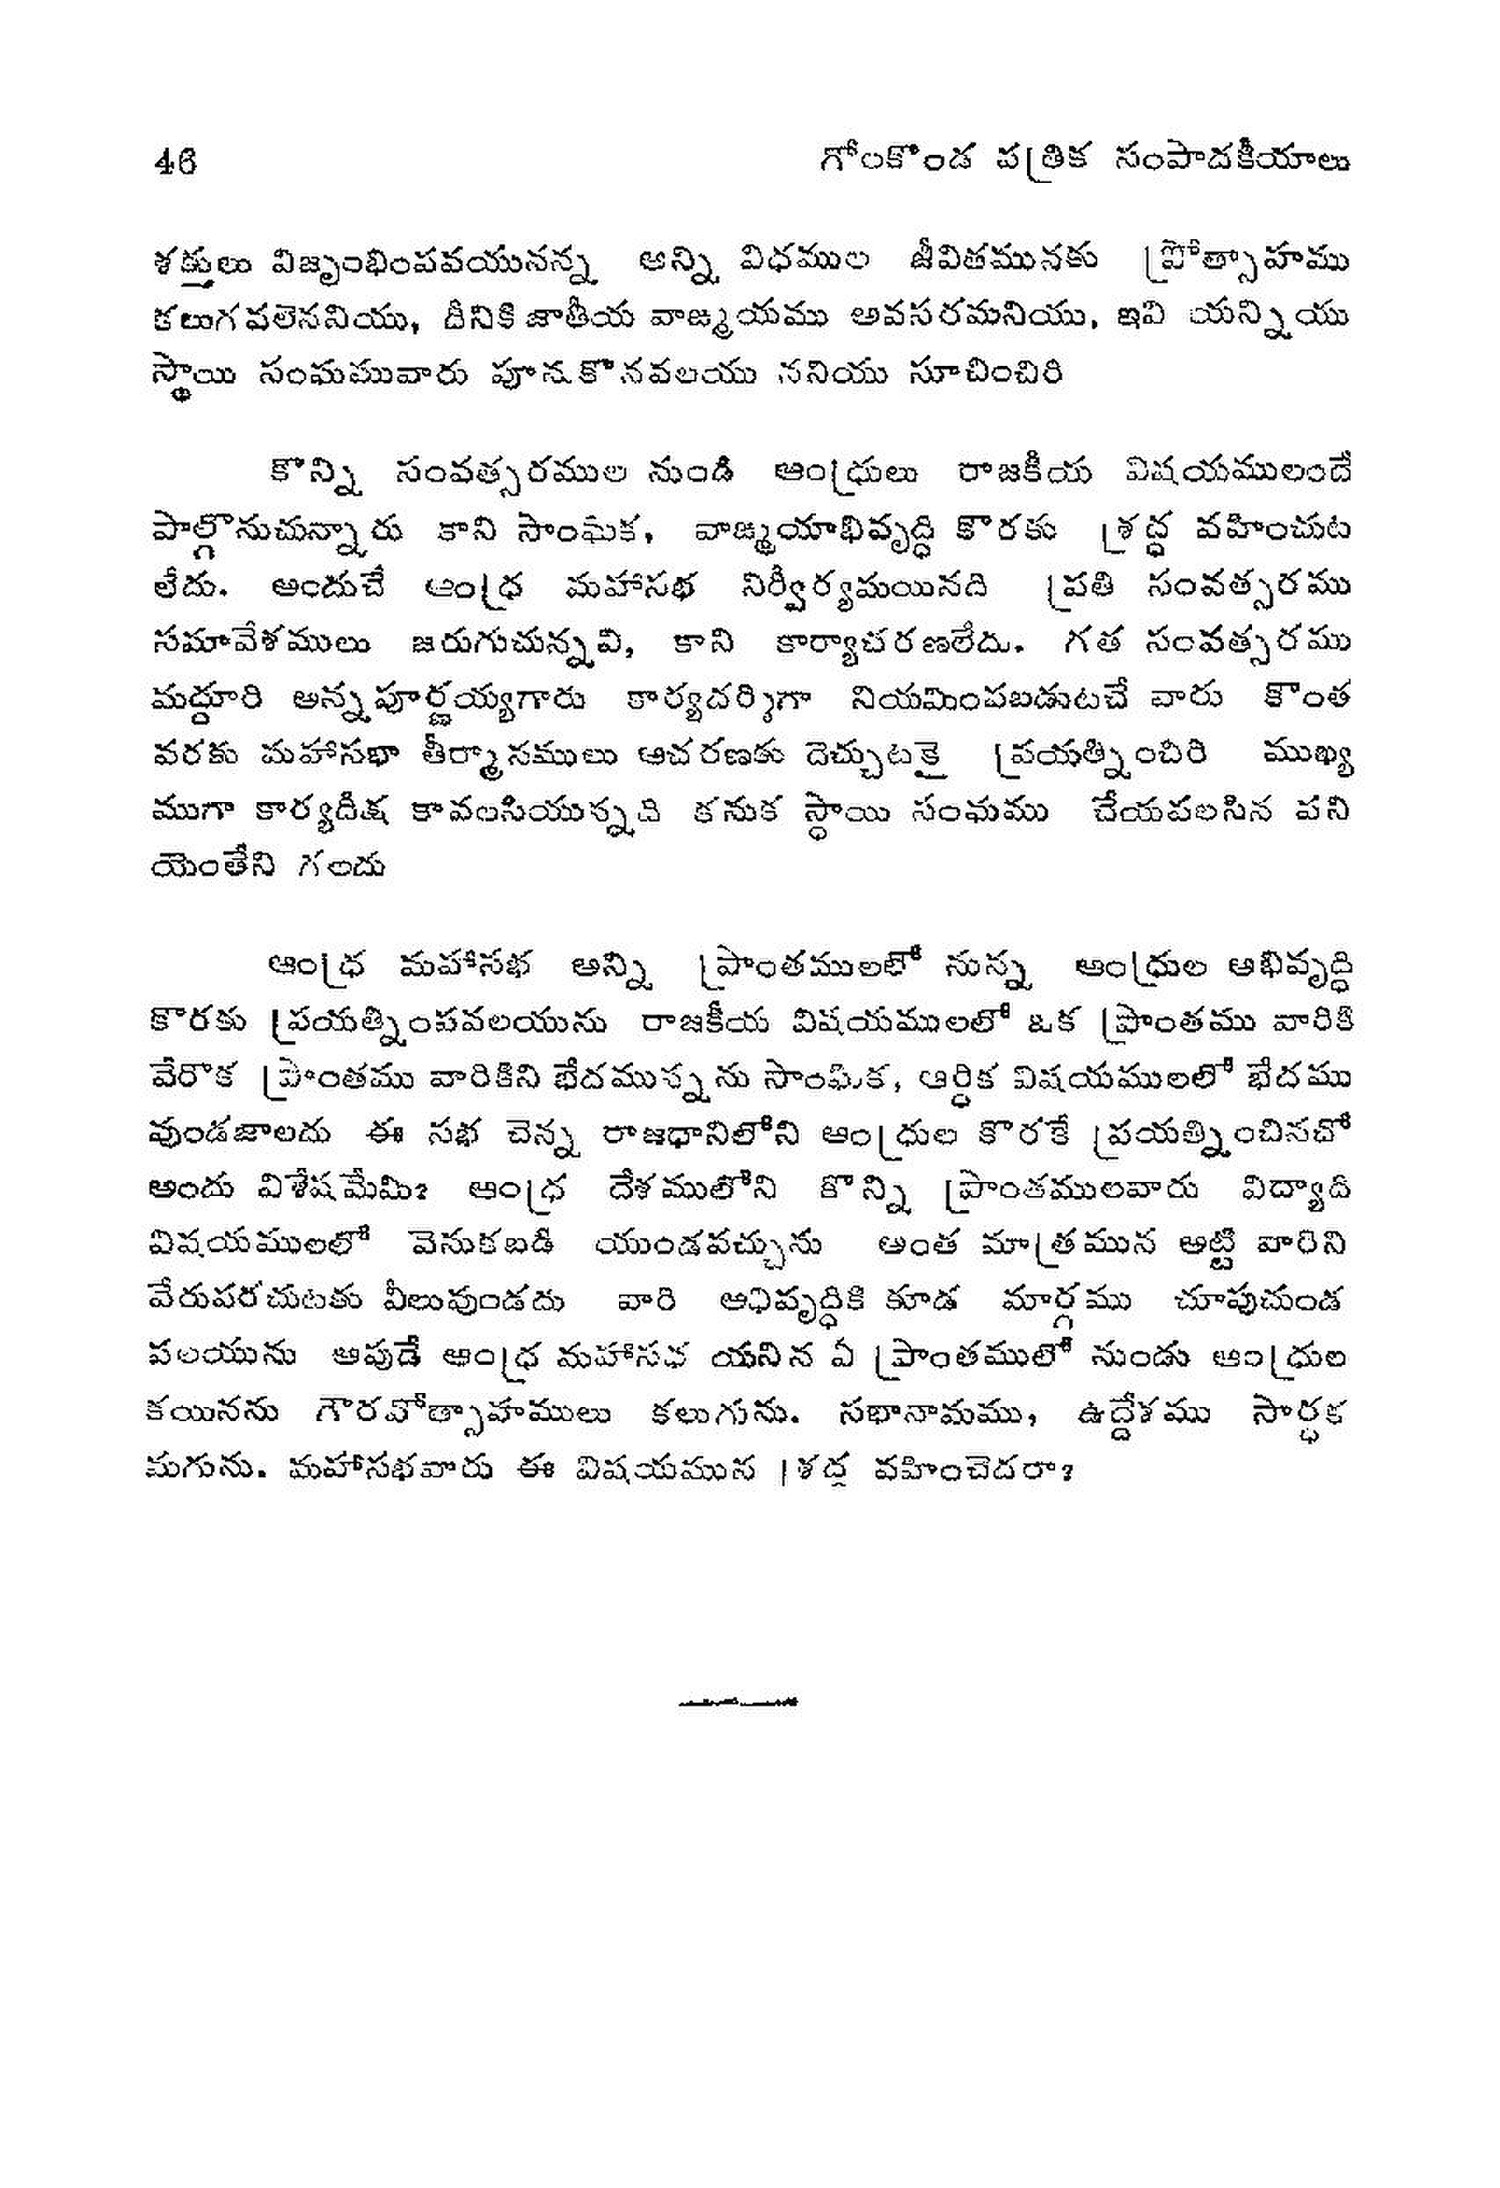శక్తులు విజృంభింపవయునన్న అన్ని విధముల జీవితమునకు ప్రోత్సాహము కలుగవలెననియు, దీనికి జాతీయ వాఙ్మయము అవసరమనియు, ఇవి యన్నియు స్థాయి సంఘమువారు పూనుకొనవలయు ననియు సూచించిరి

కొన్ని సంవత్సరముల నుండి ఆంధ్రులు రాజకీయ విషయములందే పాల్గొనుచున్నారు కాని సాంఘిక, వాఙ్మయాభివృద్ధి కొరకు శ్రద్ధ వహించుట లేదు. అందుచే ఆంధ్ర మహాసభ నిర్వీర్యమయినది ప్రతి సంవత్సరము
సమావేశములు జరుగుచున్నవి, కాని కార్యాచరణలేదు. గత సంవత్సరము మద్దూరి అన్నపూర్ణయ్యగారు కార్యదర్శిగా నియమింపబడుటచే వారు కొంతవరకు మహాసభా తీర్మానములు ఆచరణకు దెచ్చుటకై ప్రయత్నించిరి ముఖ్యముగా కార్యదీక్ష కావలసియున్నది కనుక స్థాయి సంఘము చేయవలసిన పని యెంతేని గలదు

ఆంధ్ర మహాసభ అన్ని ప్రాంతములలో నున్న ఆంధ్రుల అభివృద్ధికొరకు ప్రయత్నింపవలయును రాజకీయ విషయములలో ఒక ప్రాంతము వారికి వేరొక ప్రాంతము వారికిని భేదమున్నను సాంఘిక, ఆర్ధిక విషయములలో భేదము వుండజాలదు ఈ సభ చెన్న రాజధానిలోని ఆంధ్రుల కొరకే ప్రయత్నించినచో అందు విశేషమేమి? ఆంధ్ర దేశములోని కొన్ని ప్రాంతములవారు విద్యాది విషయములలో వెనుకబడి యుండవచ్చును అంత మాత్రమున అట్టి వారిని వేరుపరచుటకు వీలువుండదు వారి అభివృద్ధికి కూడ మార్గము చూపుచుండవలయును అపుడే ఆంధ్ర మహాసభ యనిన ఏ ప్రాంతములో నుండు ఆంధ్రుల కయినను గౌరవోత్సాహములు కలుగును. సభానామము, ఉద్దేశము సార్థకమగును. మహాసభవారు ఈ విషయమున శ్రద్ద వహించెదరా?